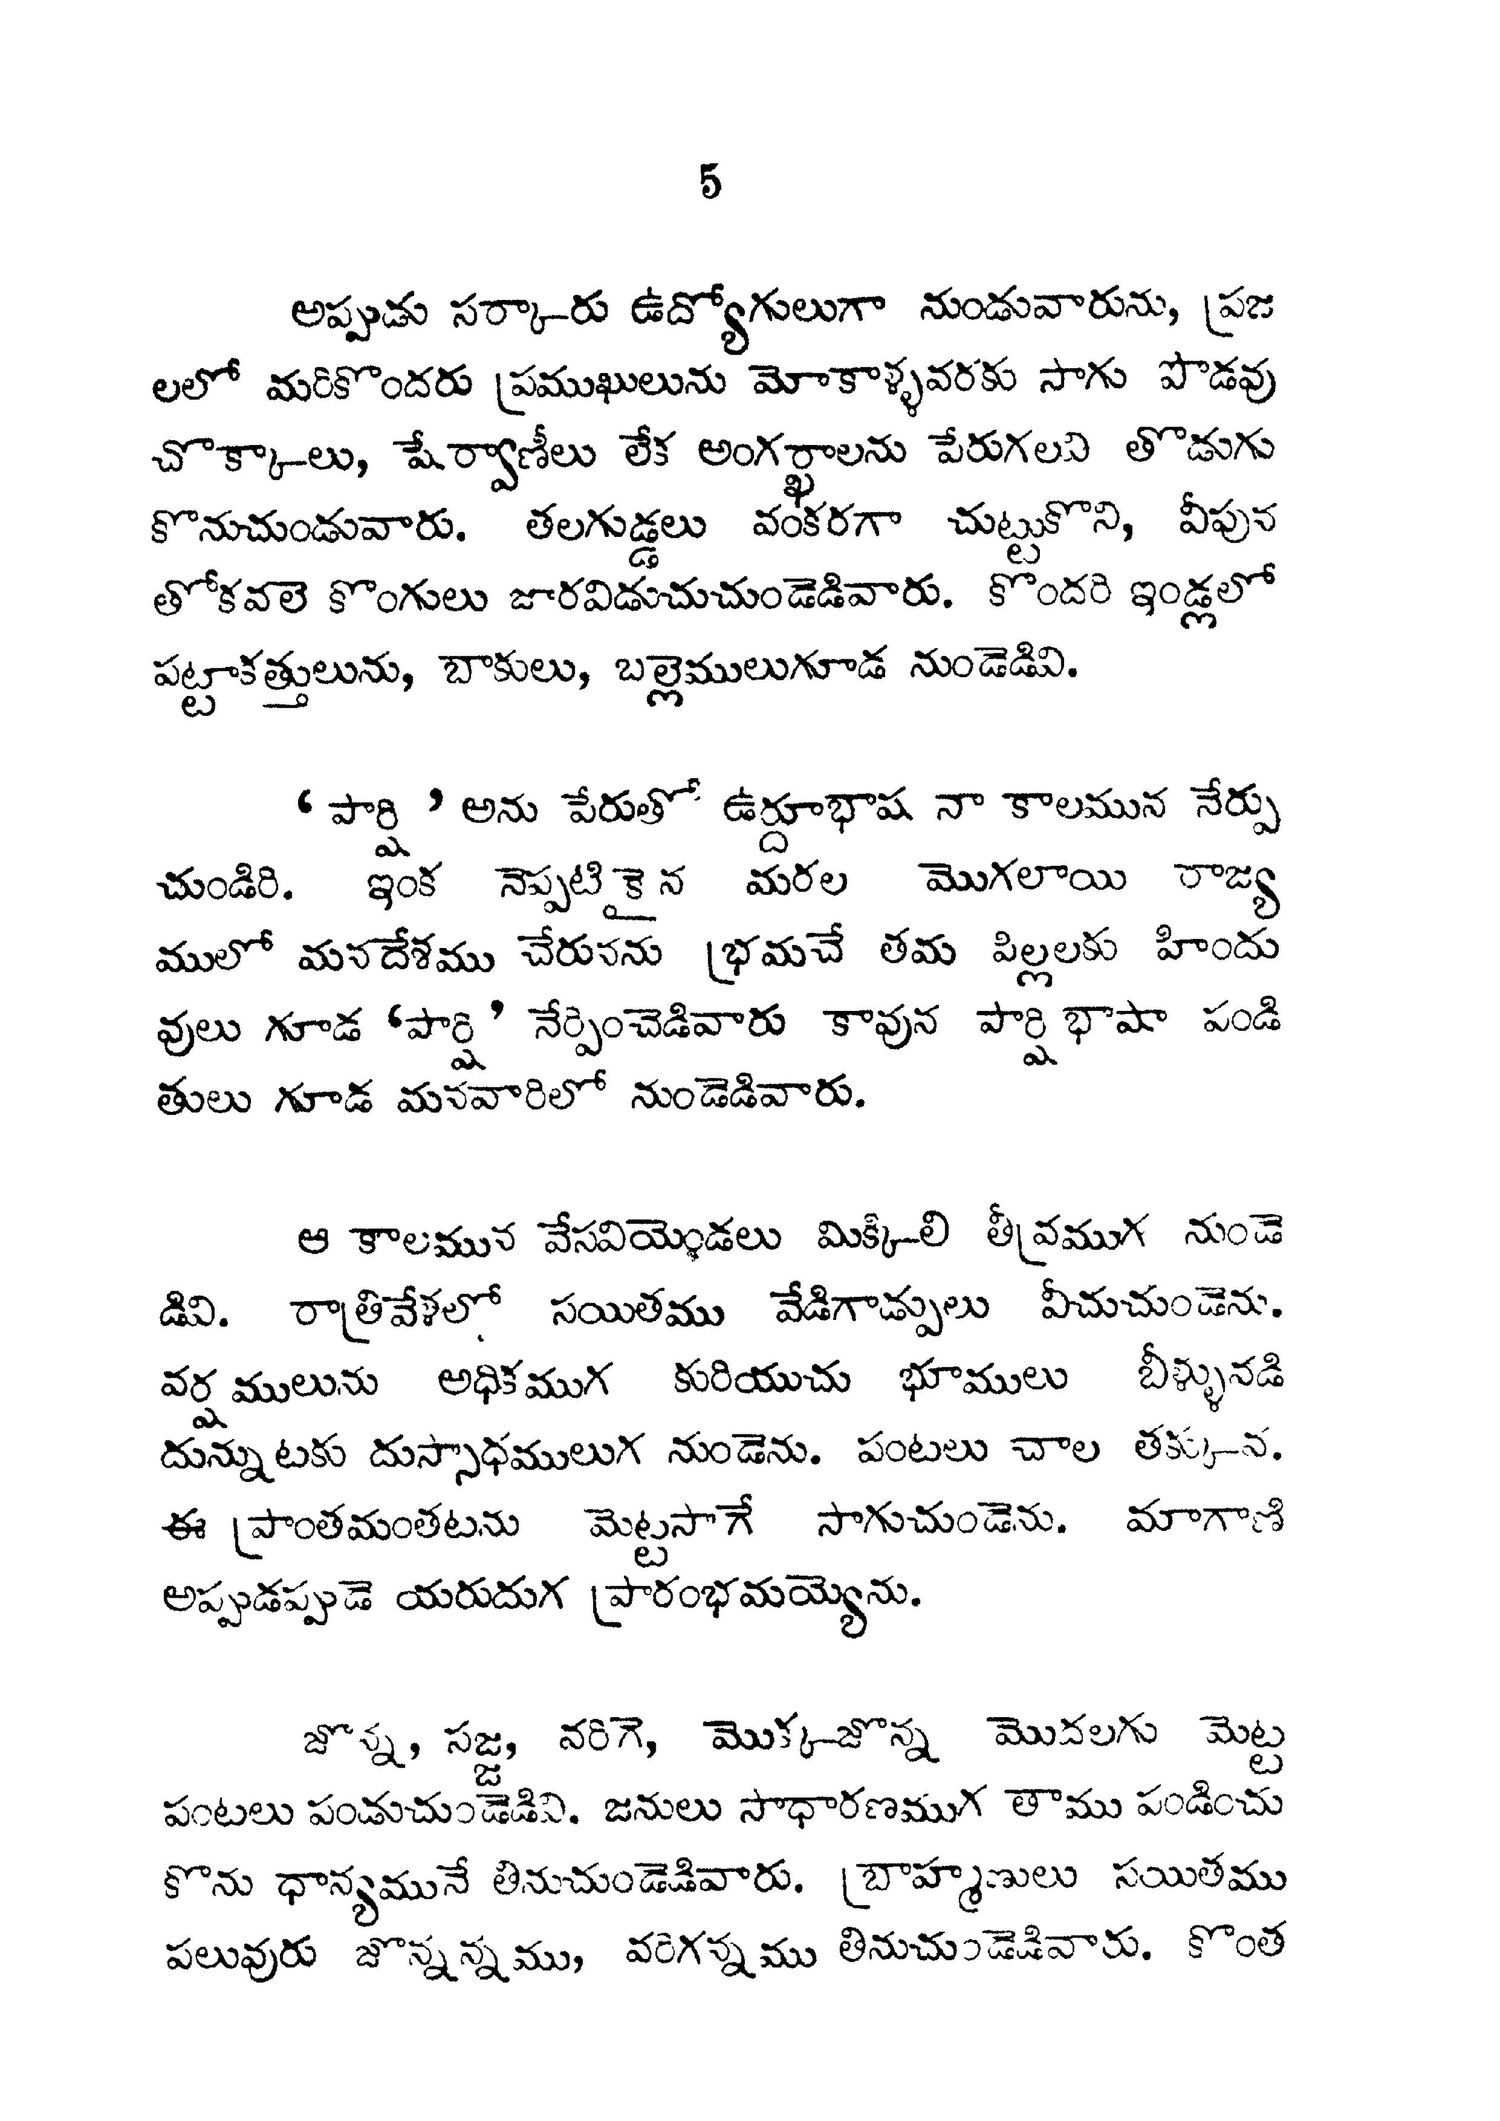అప్పుడు సర్కారు ఉద్యోగులుగా నుండువారును, ప్రజలలో మరికొందరు ప్రముఖులును మోకాళ్ళవరకు సాగు పొడవు చొక్కాలు, షేర్వాణీలు లేక అంగర్ఖాలను పేరుగలవి తొడుగుకొనుచుండువారు. తలగుడ్డలు వంకరగా చుట్టుకొని, వీపున తోకవలె కొంగులు జారవిడుచుచుండెడివారు. కొందరి ఇండ్లలో పట్టాకత్తులును, బాకులు, బల్లెములుగూడ నుండెడివి.

'పార్షి' అను పేరుతో ఉర్దూభాష నా కాలమున నేర్పుచుండిరి. ఇంక నెప్పటికైన మరల మొగలాయి రాజ్యములో మనదేశము చేరునను భ్రమచే తమ పిల్లలకు హిందువులు గూడ 'పార్షి' నేర్పించెడివారు కావున పార్షిభాషా పండితులు గూడ మనవారిలో నుండెడివారు.

ఆ కాలమున వేసవియెండలు మిక్కిలి తీవ్రముగ నుండెడివి. రాత్రివేళలో సయితము వేడిగాడ్పులి వీచుచుండెను. వర్షములును అధికముగ కురియుచు భూములు బీళ్ళువడి దున్నుటకు దుస్సాధములుగ నుండెను. పంటలు చాల తక్కువ. ఈ ప్రాంతమంతటను మెట్టసాగే సాగుచుండెను. మాగాణి అప్పుడప్పుడె యరుదుగ ప్రారంభమయ్యెను.

జొన్న, సజ్జ, వరిగె, మొక్కజొన్న మొదలగు మెట్ట పంటలు పండుచుండెడివి. జనులు సాధారణముగ తాము పండించుకొను ధాన్యమునే తినుచుండెడివారు. బ్రాహ్మణులు సయితము పలువురు జొన్నన్నము, వరిగన్నము తినుచుండెడివారు. కొంత